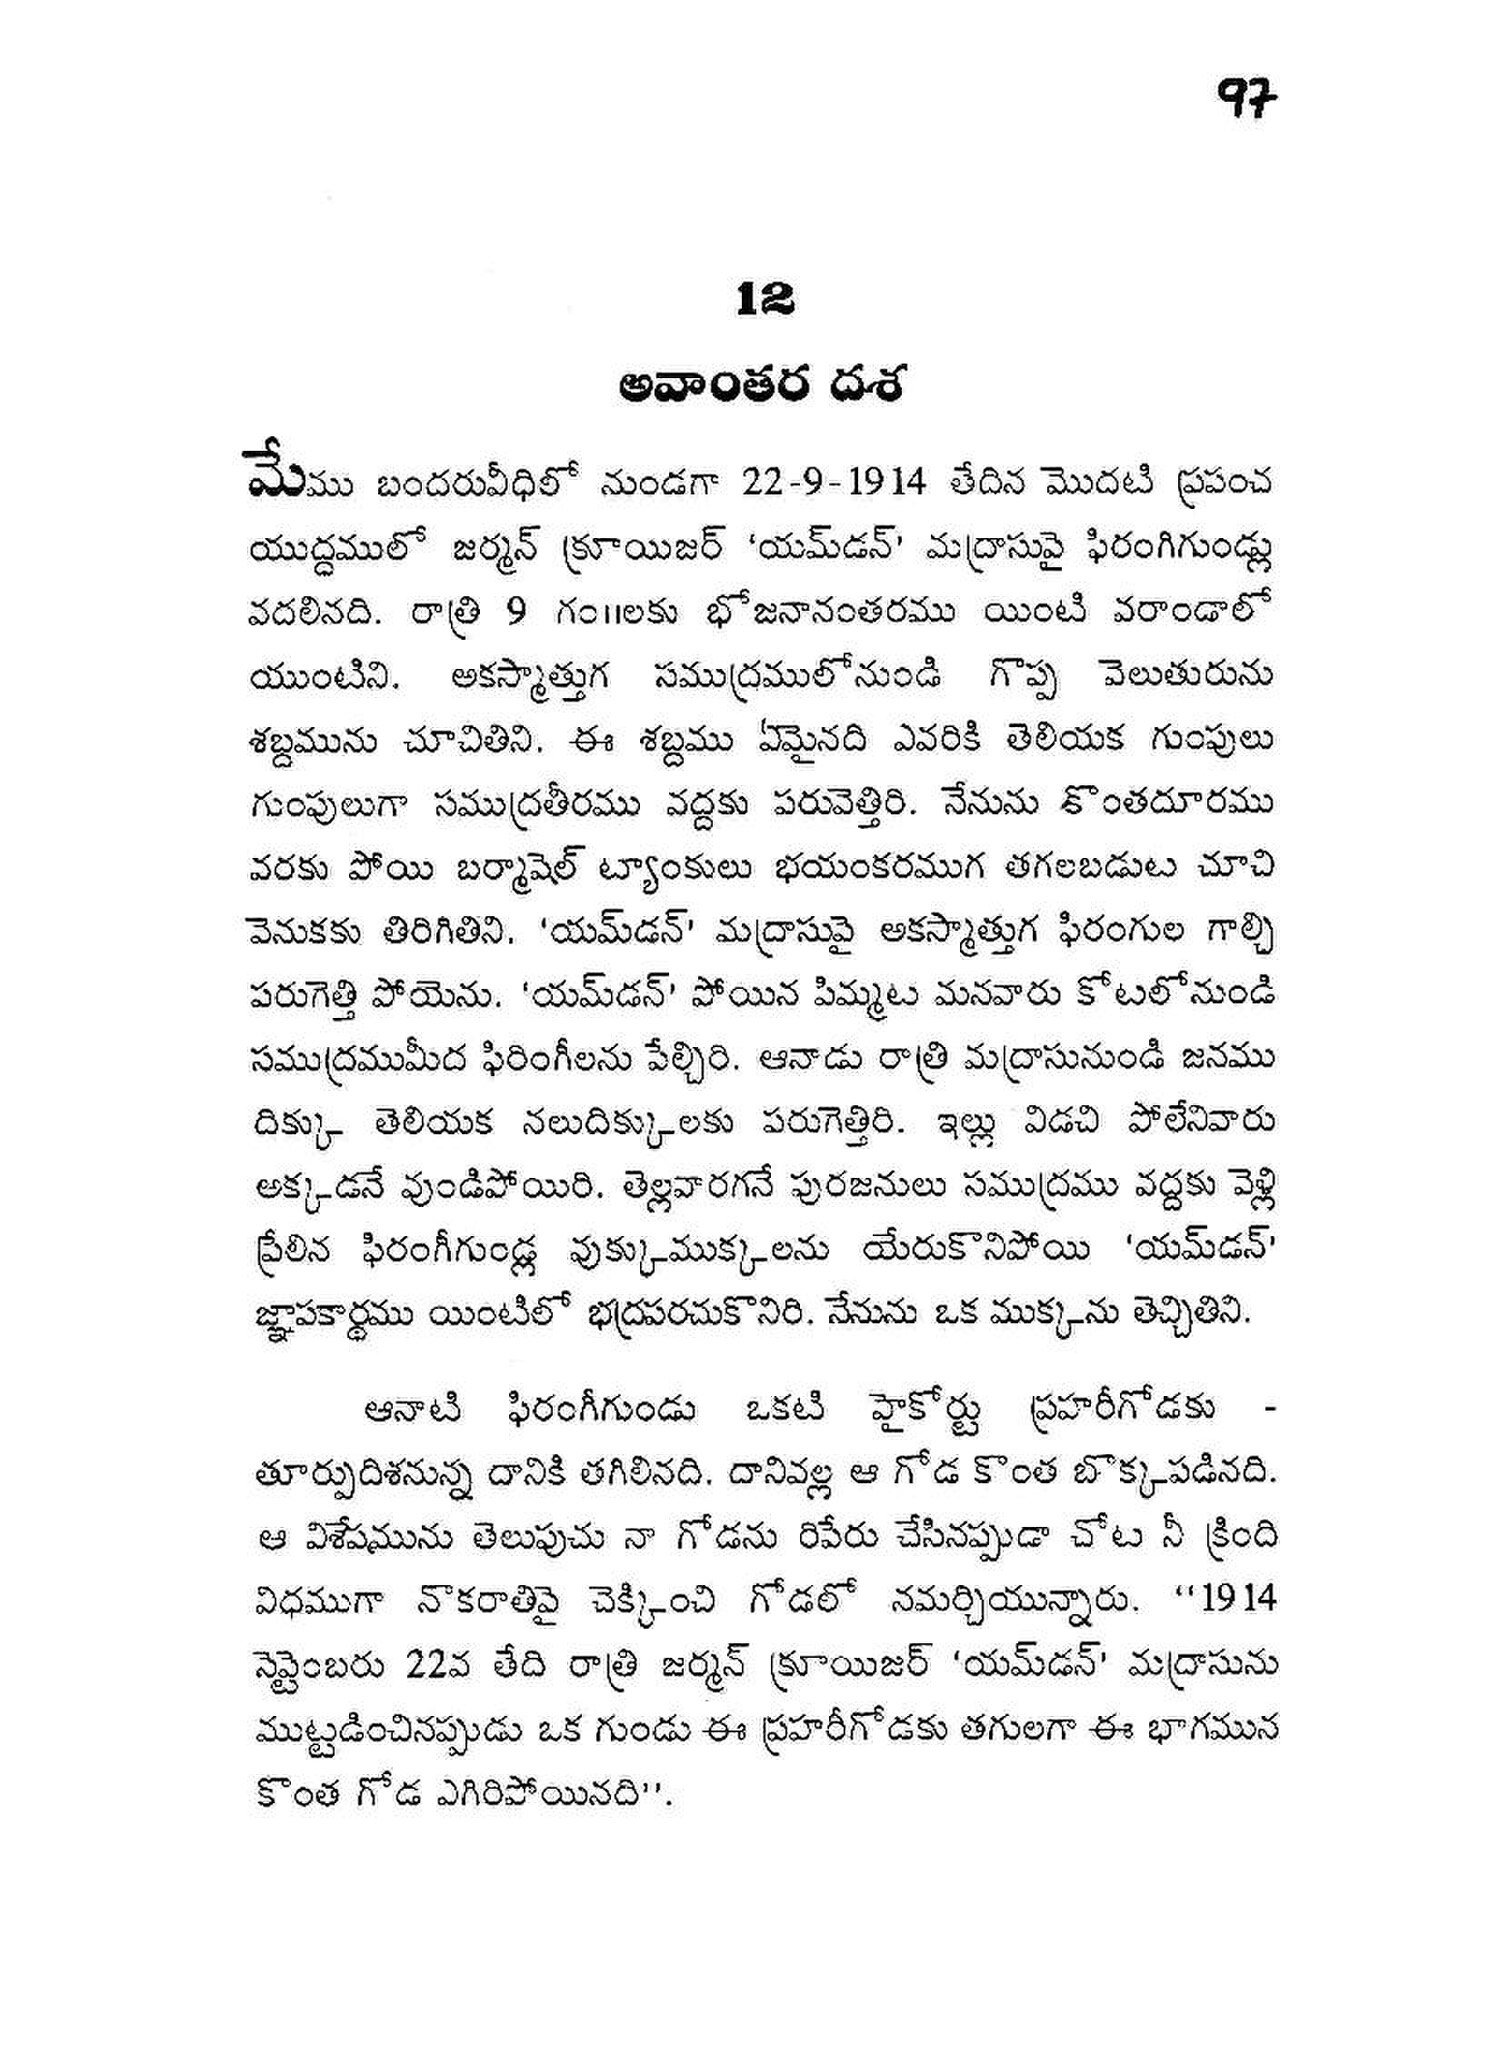మేము బందరువీధిలో నుండగా 22-9-1914 తేదిన మొదటి ప్రపంచ యుద్దములో జర్మన్ క్రూయిజర్ 'యమ్డన్' మద్రాసుపై ఫిరంగిగుండ్లు వదలినది. రాత్రి 9 గం||లకు భోజనానంతరము యింటి వరాండాలో యుంటిని. అకస్మాత్తుగ సముద్రములోనుండి గొప్ప వెలుతురును శబ్దమును చూచితిని. ఈ శబ్దము ఏమైనది ఎవరికి తెలియక గుంపులు గుంపులుగా సముద్రతీరము వద్దకు పరువెత్తిరి. నేనును కొంతదూరము వరకు పోయి బర్మాషెల్ ట్యాంకులు భయంకరముగ తగలబడుట చూచి వెనుకకు తిరిగితిని, 'యమ్డన్' మద్రాసుపై అకస్మాత్తుగ ఫిరంగుల గాల్చి పరుగెత్తి పోయెను. 'యమ్డన్' పోయిన పిమ్మట మనవారు కోటలోనుండి సముద్రముమీద ఫిరింగీలను పేల్చిరి. ఆనాడు రాత్రి మద్రాసునుండి జనము దిక్కు తెలియక నలుదిక్కులకు పరుగెత్తిరి. ఇల్లు విడచి పోలేనివారు అక్కడనే వుండిపోయిరి. తెల్లవారగనే పురజనులు సముద్రము వద్దకు వెళ్లి ప్రేలిన ఫిరంగీగుండ్ల వుక్కుముక్కలను యేరుకొనిపోయి 'యమ్డన్' జ్ఞాపకార్ధము యింటిలో భద్రపరచుకొనిరి. నేనును ఒక ముక్కను తెచ్చితిని.

ఆనాటి ఫిరంగీగుండు ఒకటి హైకోర్టు ప్రహరీగోడకు - తూర్పుదిశనున్న దానికి తగిలినది. దానివల్ల ఆ గోడ కొంత బొక్క పడినది. ఆ విశేషమును తెలుపుచు నా గోడను రిపేరు చేసినప్పుడా చోటు నీ క్రింది విధముగా నొకరాతిపై చెక్కించి గోడలో నమర్చియున్నారు. '1914 నెప్టెంబరు 22వ తేది రాత్రి జర్మన్ క్రూయిజర్ 'యమ్డన్' మద్రాసును ముట్టడించినప్పుడు ఒక గుండు ఈ ప్రహరీగోడకు తగులగా ఈ భాగమున కొంత గోడ ఎగిరిపోయినది'.